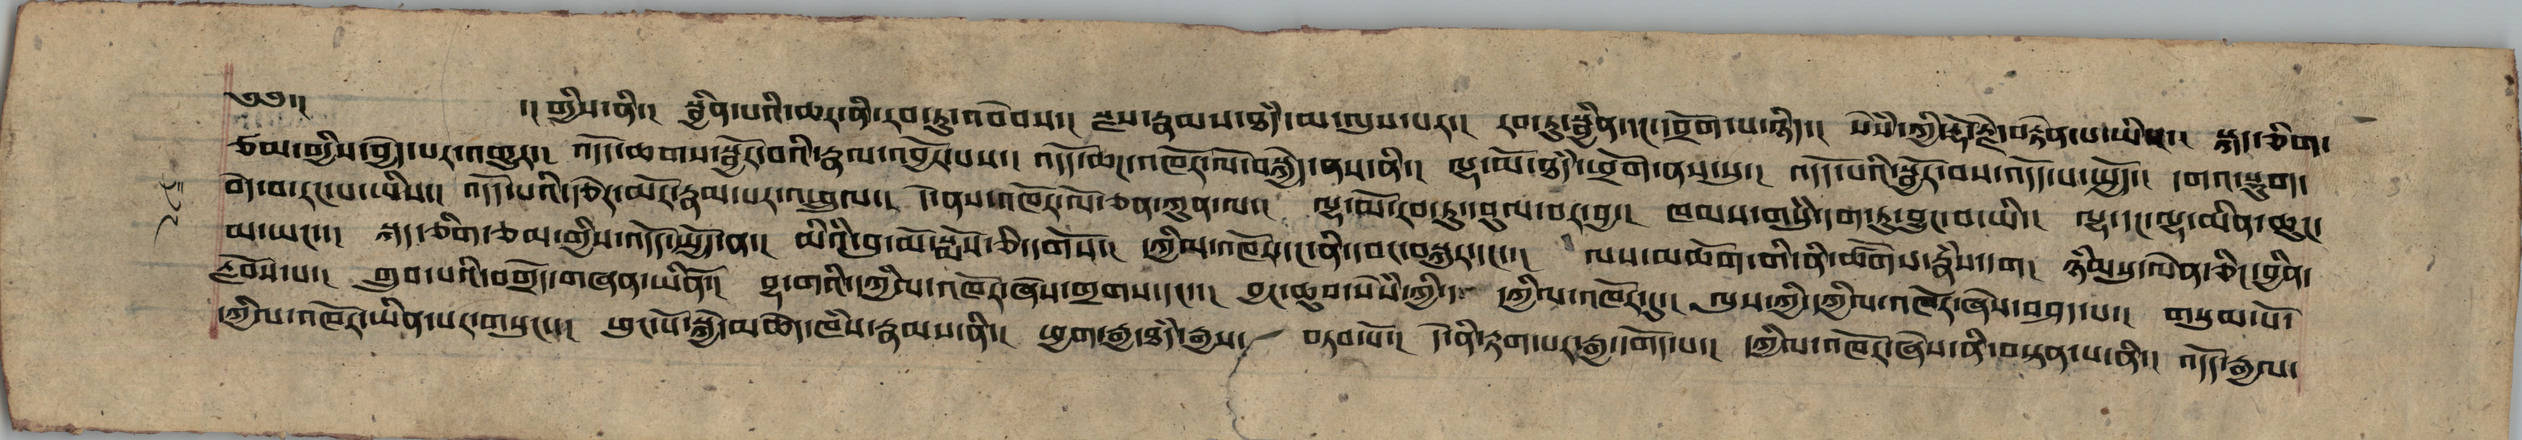༄༅་། ་། གྱིས་ནི་། སྦྱིན་པའི་ཆར་ནི་རབ་ཏུ་འབེབས་། སྫས་རྣམས་ཐཾད་མ་ལུས་པར་། རབ་ཏུ་སྦྱིན་དང་དབྲོག་པ་ཉིད་། སེཾས་ཀྱི་རྡོ་རྗེ་བརྟེན་པ་ཡིས་། སྐད་ཅིག་
ཙམ་གྱིས་བྱེད་པར་འགྱུར་། འདོད་ཆགས་སྦྱོར་བའི་རྣལ་འབྱོར་པས་། འདོད་ཆཌ་འཁོར་ལོ་བསྐྱེད་ནས་ནི་། ལྷ་མོ་ཐཾད་ཕྲོག་ནས་སུ་། འདོད་པའི་སྦྱོར་བས་འདོད་པ་སྤྱོད་། དགའ་སྡུག་
བདེ་བ་རང་པ་ཡིས་། འདོད་པའི་རྩེར་མོར་རྣམ་པར་འཕྲུལ་། དེ་ནས་འཁོར་ལོ་ཅན་ཀུན་ལ་། ལྷ་མོ་རབ་ཏུ་དབུལ་བར་བྱ་། ཁམས་གསུཾ་དག་ཏུ་བྱུང་བ་ཡི་། ལྷ་དང་ལྷ་མིན་ཆུང་
མ་ཡང་་། སྐད་ཅིག་ཅམ་གྱིས་འདོད་སྤྱོད་ན་། མིའི་བུ་མོ་སྨོས་ཅི་དགོས་། དཀྱིལ་འཁོར་དང་ནི་དབང་བསྐུར་དང་་། ལས་མཆོག་གི་ནི་ཚོགས་རྣཾས་དག། ཉཾམསུ་ལེན་ཅིང་བྱིན་
རློབས་པ་། གྲུབ་པའི་བགྲོད་གཞན་ཡིནོ་། བྷ་གའི་དཀྱིལ་འཁོར་ཞེས་གྲགས་དང་་། བྱང་ཆུབ་སེསཾ་ཀྱི་ དཀྱིལ་འཁོར་དུ་། ལུས་ཀྱི་དཀྱིལ་འཁོར་ཞེས་བཤད་པ་། གསུམ་པོ་
དཀྱིལ་འཁོར་ཡིན་པར་གསུངས་་། ཕུང་པོ་སྐྱེ་མཆེད་ཁཾས་རྣམས་ནི་། ཕྱག་རྒྱ་ཐཾད་རྒྱས་ བཏབ་སོ་། དེ་ནི་རྟག་པར་རྒྱ་དགོད་པ་། དཀྱིལ་འཁོར་ཞེས་ནི་བསྟན་པ་ནི་། འདོད་རྒྱལ་